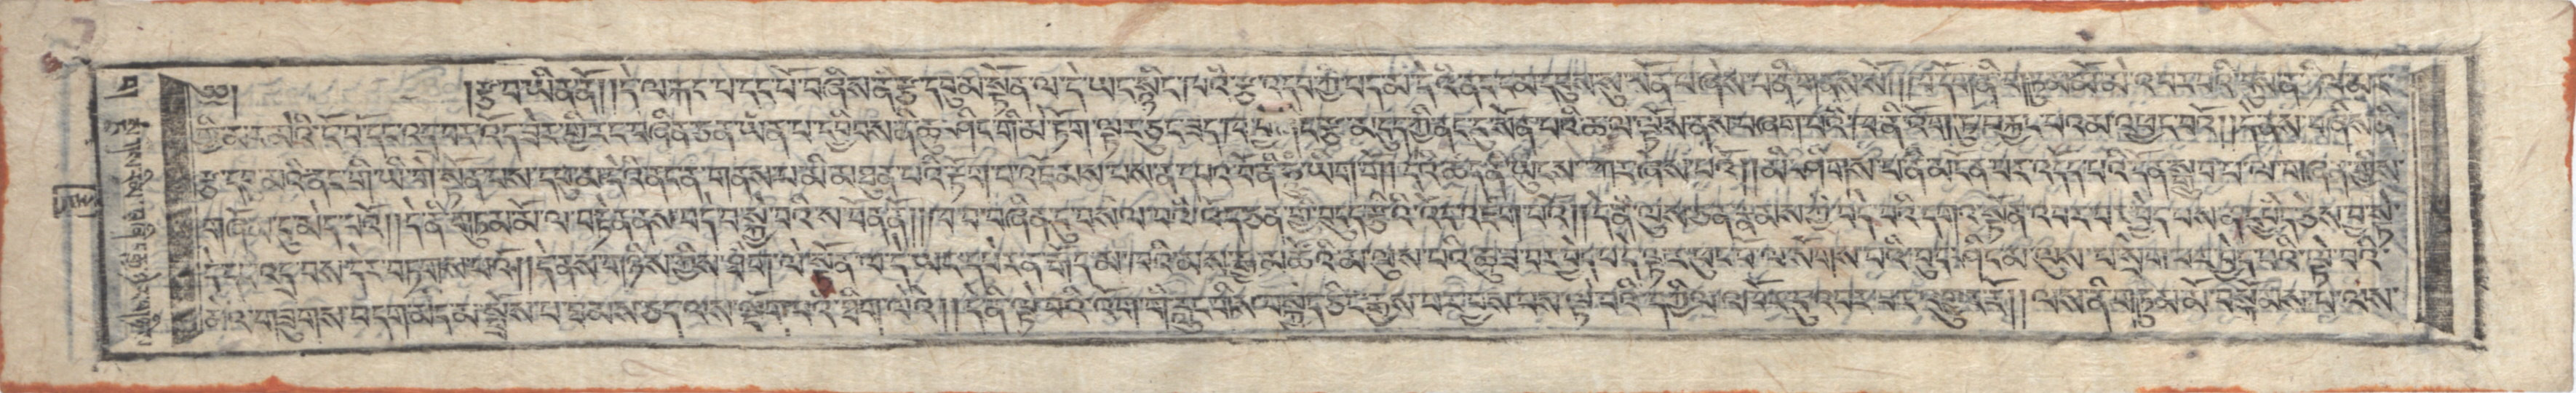༄༅། །རྩ་བ་ཡིན་ནོ། །དེ་ལ་རྐང་པ་དང་པོ་བཞིས་ནི་རྩ་དབུ་མ་སྟོན་ལ་དེ་ཡང་སྙིང་ཁའི་རྩ་འདབ་ཀྱི་པད་མ་དེའི་ནང་ངམ་དབུས་སུ་སོན་པ་ཞེས་པ་ནི་གནས་སོ། །ཁ་དོག་ནི་གཏུམ་མོ་མེ་འབར་བའི་དུས་ན་ཏིལ་མར་
གྱི་མར་མེའི་ངོ་བོ་དང་འདྲ་བར་འོད་ཟེར་གྱི་རང་བཞིན་ཅན་ཡིན་པ་དབྱིབས་ནི་ཆུ་ཤིང་གི་མེ་ཏོག་ལྟར་ཅུང་ཟད་ཁ་བྱེ་ཞིང་རྩ་མདུད་ཀྱི་ནང་དུ་སོན་པའི་ཆ་ལ་ལྟོས་ནས་བཞག་པའི་ཁ་ནི་འོག་ཏུ་བརྐྱང་པའམ་འཕྱང་བའོ། །དེ་ནས་བཞིས་ནི་
རྩ་དབུ་མའི་ནང་གི་ཡི་གེ་སྟོན་པས་དབུ་མ་དེའི་ནང་ན་གནས་པ་མི་མཐུན་པའི་རྟོག་པ་འཇོམས་པས་ན་དཔའ་བོ་ནི་ཧཱུཾ་ཡིག་གོ །དེའི་ཚད་ནི་ཡུངས་ཀར་ཞེས་པའོ། །མི་ཤིགས་པ་ནི་མངོན་པར་འདོད་པའི་དོན་སྒྲུབ་པ་ལ་གཞན་གྱིས་
གཞོམ་དུ་མེད་པའོ། །དེ་ནི་གཏུམ་མོ་ལ་བརྟེན་ནས་བདེ་བ་སྐྱེ་བའི་ས་བོན་ནོ། །ཁ་བ་བཞིན་དུ་བསིལ་བའི་འོད་ཅན་གྱི་བདུད་རྩིའི་འོད་འཛག་པའོ། །དེ་ནི་ལུས་ཅན་རྣམས་ཀྱི་བདེ་བའི་དགའ་སྟོན་འབར་བར་བྱེད་པས་ན་དཔྱིད་ཅེས་བྱ་སྟེ་
དེ་དང་འདྲ་བས་དེར་བཏགས་པའོ། །དེ་ནས་གཉིས་ཀྱིས་ཐིག་ལེ་སྟོན་ལ་དེ་ཡང་དཔེར་ན་རྒོད་མ་ཁའི་མས་རྒྱ་མཚོའི་མ་ལུས་པའི་ཆུ་ཟ་བར་བྱེད་པ་དེ་ལྟར་ཕུང་པོ་ལ་སོགས་པའི་བུད་ཤིང་མ་ལུས་པ་སྲེག་པར་བྱེད་པའི་ལྟེ་བའི་
མེའི་གཟུགས་བདག་མེད་མ་སྤྲོས་པ་ཐམས་ཅད་ལས་ལྡོག་པའི་ཐིག་ལེའོ། །དེ་ནི་ལྟེ་བའི་འོག་གི་རླུང་གིས་བསྐྱེད་ཅིང་རྒྱས་པར་བྱས་པས་ལྟེ་བའི་དཀྱིལ་འཁོར་དུ་འབར་བར་འགྱུར་རོ། །ལས་ནི་གཏུམ་མོ་བསྒོམས་པ་ལས་